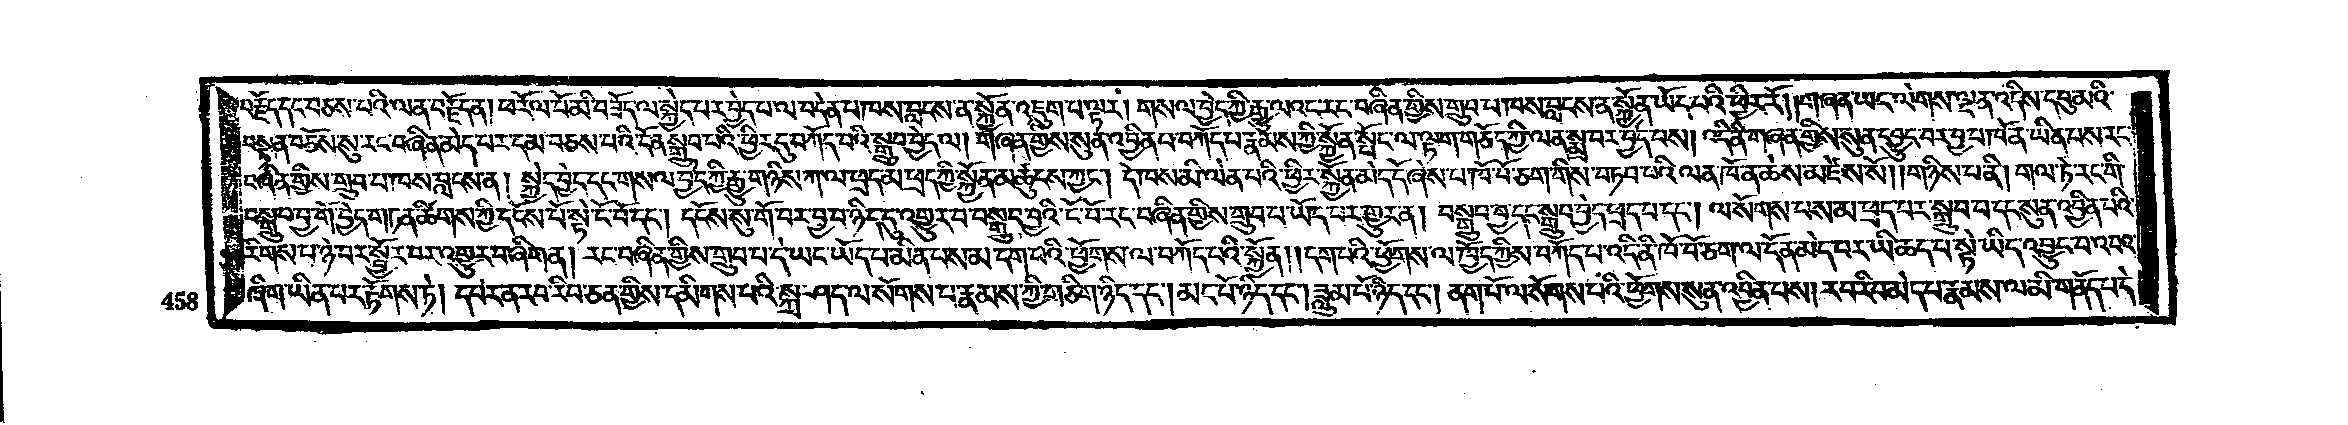བརྗོད་དང་བཅས་པའི་ལན་བརྗོད་ན། ཕ་རོལ་པོ་མི་བཟོད་ལ་སྐྱེད་པར་བྱེད་པ་ལ་བདེན་པ་ཁས་བླངས་ན་སྐྱོན་འཇུག་པ་ལྟར། གསལ་བྱེད་ཀྱི་རྒྱུ་ལའང་རང་བཞིན་གྱིས་གྲུབ་པ་ཁས་བླངས་ན་སྐྱོན་ཡོད་པའི་ཕྱིར་རོ། །གཞན་ཡང་ལེགས་ལྡན་འདིས་དབུ་མའི་
བསྟན་བཅོས་སུ་རང་བཞིན་མེད་པར་དམ་བཅས་པའི་དོན་སྒྲུབ་པའི་ཕྱིར་དུ་བཀོད་བའི་སྒྲུབ་བྱེད་ལ། གཞན་གྱིས་སུན་འབྱིན་པ་བཀོད་པ་རྣམས་ཀྱི་སྐྱོན་སྤོང་ལ་ལྟག་གཅོད་ཀྱི་ལན་སྨྲ་བར་བྱེད་པས། འདི་ནི་གཞན་གྱིས་སུན་དབྱུང་བར་བྱ་པ་ཁོ་ན་ཡིན་པས་རང་
བཞིན་གྱིས་གྲུབ་པ་ཁས་བླངས་ན། སྐྱེད་བྱེད་དང་གསལ་བྱེད་ཀྱི་རྒྱུ་གཉིས་ཀ་ལ་ཕྲད་མ་ཕྲད་ཀྱི་སྐྱོན་མཚུངས་ཀྱང་། དེ་ཁས་མི་ལེན་པའི་ཕྱིར་སྐྱོན་མེད་དོ་ཞེས་པ་ཁོ་པོ་ཅག་གིས་བཏབ་པའི་ལན་ཁོ་ན་ཆེས་མཛེས་སོ། །གཉིས་པ་ནི། གལ་ཏེ་རང་གི་
བསྒྲུབ་བྱ་གོ་བྱེད་གཏན་ཚིགས་ཀྱི་དངོས་པོ་སྟེ་ངོ་བོ་དང་། དངོས་སུ་གོ་བར་བྱ་བ་ཉིད་དུ་འགྱུར་བ་བསྒྲུབ་བྱའི་ངོ་བོ་རང་བཞིན་གྱིས་གྲུབ་པ་ཡོད་པར་གྱུར་ན། བསྒྲུབ་བྱ་དང་སྒྲུབ་བྱེད་ཕྲད་པ་དང་། ལ་སོགས་པས་མ་ཕྲད་པར་སྒྲུབ་པ་དང་སུན་འབྱིན་པའི་
རིགས་པ་ཉེ་བར་སྦྱོར་བར་འགྱུར་བ་ཞིག་ན། རང་བཞིན་གྱིས་གྲུབ་པ་དེ་ཡང་ཡོད་པ་མིན་པས་མ་དག་པའི་ཕྱོགས་ལ་བཀོད་པའི་སྐྱོན། །དག་པའི་ཕྱོགས་ལ་ཁྱེད་ཀྱིས་བཀོད་པ་འདི་ནི་ཁོ་བོ་ཅག་ལ་དོན་མེད་པར་ཡི་ཆད་པ་སྟེ་ཡིད་འབྱུང་བ་འབའ་
ཞིག་ཡིན་པར་རྟོགས་ཏེ། དཔེར་ན་རབ་རིབ་ཅན་གྱིས་དམིགས་པའི་སྐྲ་ཤད་ལ་སོགས་པ་རྣམས་ཀྱི་གཅིག་ཉིད་དང་། མང་པོ་ཉིད་དང་། ཟླུམ་པོ་ཉིད་དང་། ནག་པོ་ལ་སོགས་པའི་ཕྱོགས་སུན་འབྱིན་པས། རབ་རིབ་མེད་པ་རྣམས་ལ་མི་གནོད་པ་དེ་